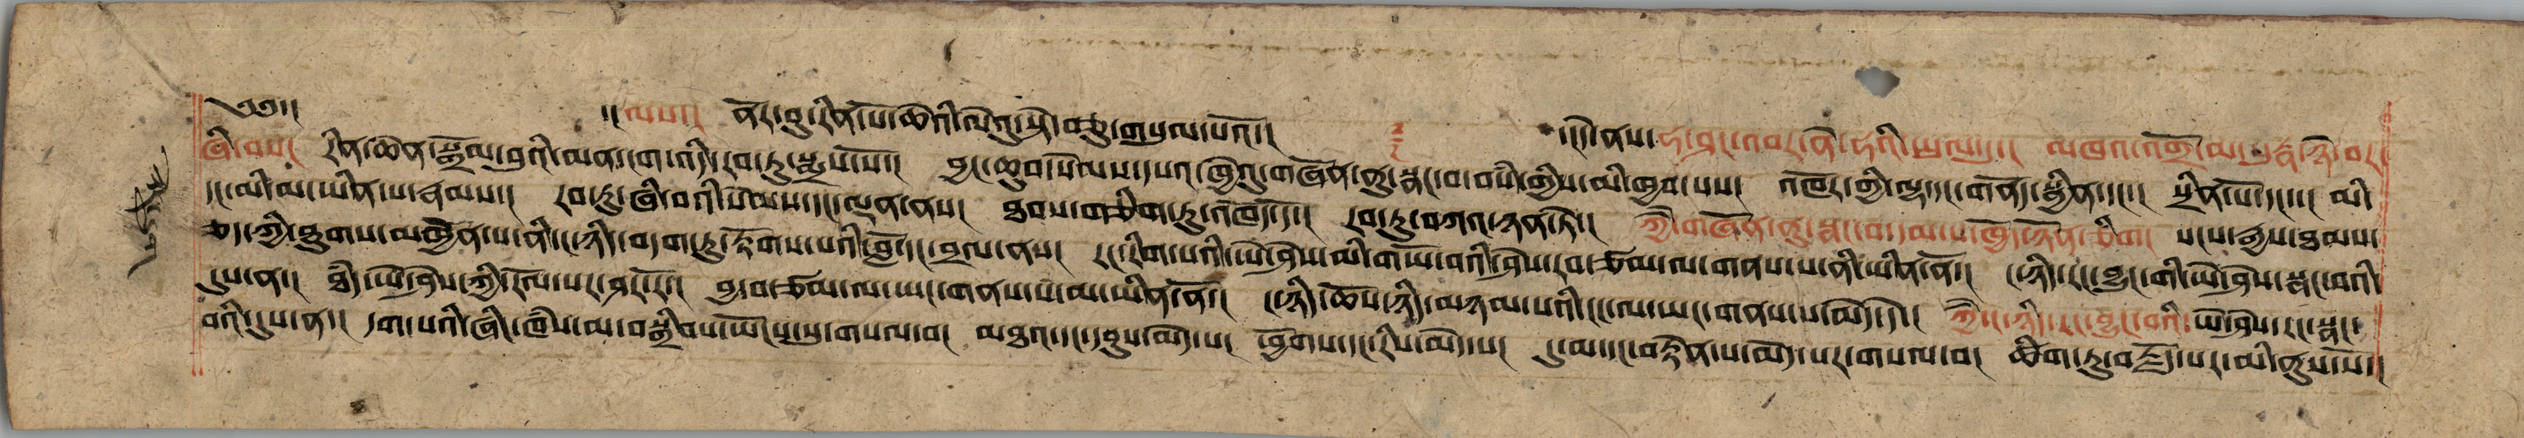༄༅་། ་།ལས་། ནོར་བུ་རིན་པོ་ཆེའི་ལེའུ་སྟེ་བཅུ་གསུམ་པའོ་། ༈ ་།དེ་ནས་ཧ་ཤང་འབར་ནེ་ཧའི་ཡུལ་དུ་། མཁའ་འགྲོ་མ་པུརྣ་ཉེ་བར་
ཞི་བས། རིན་ཆེན་སྒྲོམ་བུའི་མན་ངག་འདི་རབ་ཏུ་སྨྲས་སོ་། བྱང་ཆུབ་སེམས་དཔའ་ཁྱེའུ་གཞོན་ནུ་སྣང་བ་བསཾ་གྱིས་མི་ཁྱབ་པས། འཁོར་གྱི་ལྷ་དང་གནོད་སྦྱིན་དང་་། སྲིན་པོ་དང་་། མི་
དང་མི་མ་ཡིན་པ་རྣམས་། རབ་ཏུ་ཞི་བའི་སེམས་དང་ལྡན་ནས། ཐབས་གཅིག་ཏུ་འཁོད་དོ་། རབ་ཏུ་བཀའ་ཉན་ཏེ་། ཀྱཻ་གཞོན་ནུ་སྣང་བ་དམ་པ་ཁྱོད་ཉོན་ཅིག་། སངས་རྒྱས་ཐམས་
ཅད་ཀྱི་ཐུགས་མཁྱེན་པ་ནི་ང་ཉིད་བདག་ཏུ་རྟོགས་པའི་བློ་དང་བྲལ་ནས། རང་རིག་པའི་ཡེ་ཤེས་མི་གཡོ་བའི་ཤེས་རབ་ཙམ་ལ་གནས་པ་ནི་ཡིན་ནོ་། ང་ཉིད་རང་བྱུང་གི་ཡེ་ཤེས་སྣང་བའི་
དུས་ན་། ཐཾད་ཡེ་ཤེས་ཀྱི་རོལ་པར་ཤར་རོ་། བྱ་བ་ཙམ་ལ་ཡང་གནས་པ་མ་ཡིན་ནོ་། ང་ཉིད་ཆོས་ཉིད་མཉམ་པའི་ངང་ལ་ཡང་གནས་པ་མེད་དེ་། ཀྱཻ་ང་ཉིད་རང་བྱུང་བའི་ཡེ་ཤེས་རང་སྣང་
བའི་དུས་ན་། དག་པའི་ཞིང་ཁཾས་མ་བསྒྲིབས་ཡོངས་སུ་གསལ་བ། མཐའ་དང་དབུས་མེད་པ། ཕྱོགས་དང་རིས་མེད་པ། དུ་མ་དང་བརྟེན་པ་མེད་པར་གསལ་བ། ཚིག་ཏུ་བརྗོད་པར་མི་ནུས་སོ་།